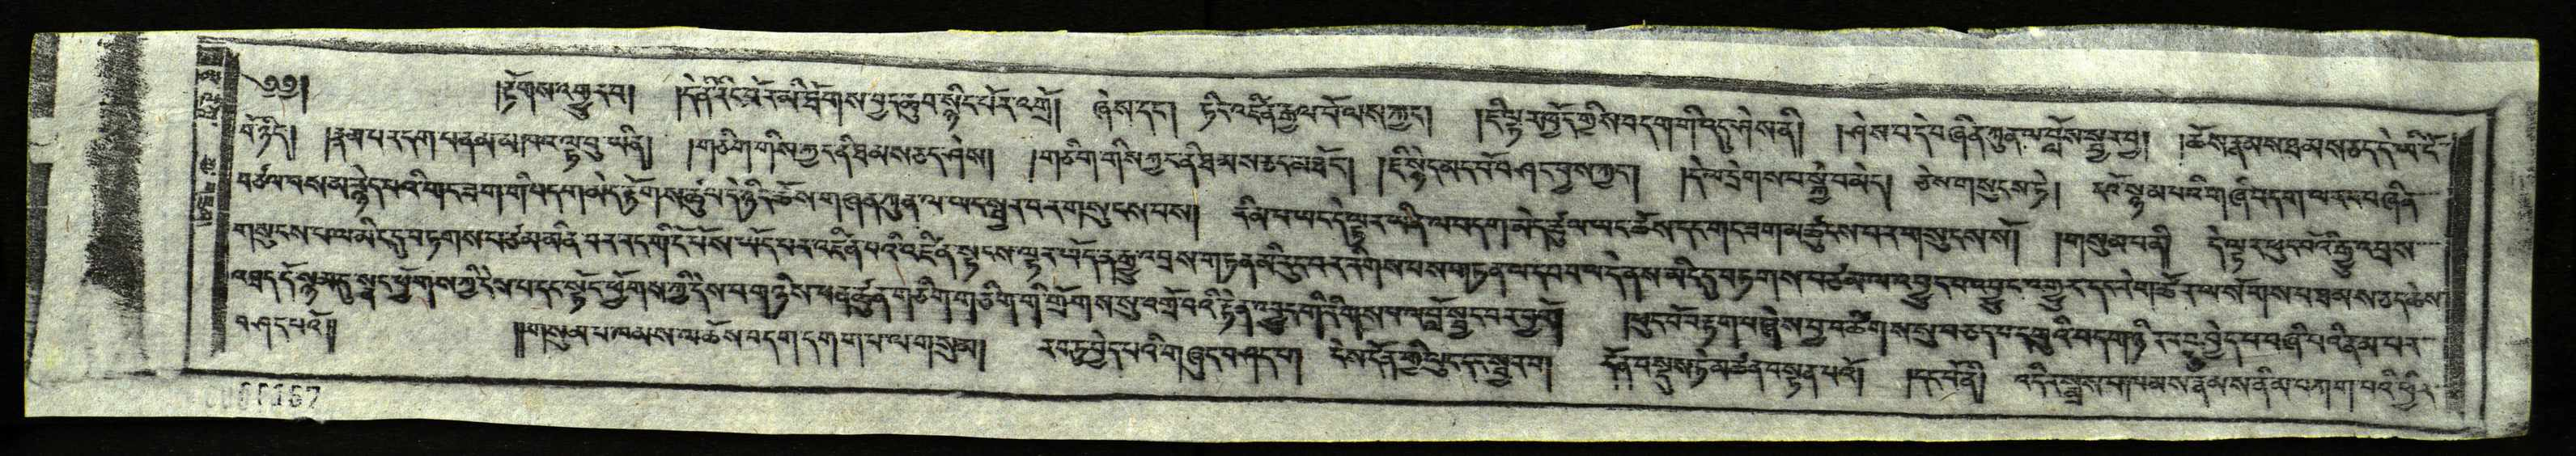༄༅། །རྟོགས་འགྱུར་བ། །དེ་ནི་རིང་པོར་མི་ཐོགས་བྱང་ཆུབ་སྙིང་པོར་འགྲོ། ཞེས་དང་། ཏིང་འཛིན་རྒྱལ་པོ་ལས་ཀྱང་། །ཇི་ལྟར་ཁྱོད་ཀྱིས་བདག་གི་འདུ་ཤེས་ནི། །ཤེས་པ་དེ་བཞིན་ཀུན་ལ་བློས་སྦྱར་བྱ། །ཆོས་རྣམས་ཐམས་ཅད་དེ་ཡི་ངོ་
བོ་ཉིད། །རྣམ་པར་དག་པ་ནམ་མཁའ་ལྟ་བུ་ཡིན། །གཅིག་གིས་ཀྱང་ནི་ཐམས་ཅད་ཤེས། །གཅིག་གིས་ཀྱང་ནི་ཐམས་ཅད་མཐོང་། །ཇི་སྙེད་མང་པོ་བཤད་བྱས་ཀྱང་། །དེ་ལ་དྲེགས་པ་སྐྱེ་བ་མེད། ཅེས་གསུངས་ཏེ། ངའོ་སྙམ་པའི་གཞི་བདག་ལ་རང་བཞིན་
བཙལ་བས་མ་རྙེད་པའི་གང་ཟག་གི་བདག་མེད་རྟོགས་ཚུལ་དེ་ཉིད་ཆོས་གཞན་ཀུན་ལ་ཡང་སྦྱར་བར་གསུངས་པས། རིམ་པ་ཡང་དེ་ལྟར་ཡིན་ལ་བདག་མེད་ཚུལ་ཡང་ཆོས་དང་གང་ཟག་མཚུངས་པར་གསུངས་སོ། །གསུམ་པ་ནི། དེ་ལྟར་ཕུང་པོའི་རྒྱུ་འབྲས་
གསུངས་པ་ལ་མིང་དུ་བཏགས་པ་ཙམ་མིན་པར་རང་གི་ངོ་བོས་ཡོད་པར་འཛིན་པའི་འཛིན་སྟངས་ལྟར་ཡོད་ན་རྒྱུ་འབྲས་གཏན་མི་རུང་བར་རིགས་པས་གཏན་ལ་དབབ་པ་དེ་ནས་མིང་དུ་བཏགས་པ་ཙམ་ལ་འབྱུང་བ་འབྱུང་འགྱུར་དང་རེག་ཚོར་ལ་སོགས་པ་ཐམས་ཅད་ཅེས་
འཐད་དོ་སྙམ་དུ་སྣང་ཕྱོགས་ཀྱི་ངེས་པ་དང་སྟོང་ཕྱོགས་ཀྱི་དེས་པ་གཉིས་ཕན་ཚུན་གཅིག་གཅིག་གི་གྲོགས་སུ་འགྲོ་བའི་རྟེན་འབྱུང་གི་རིགས་པ་ལ་བློ་སྦྱང་བར་བྱའོ། །ཕུང་པོ་བརྟག་པ་ཞེས་བྱ་བ་ཚིགས་སུ་བཅད་པ་དགུའི་བདག་ཉིད་རབ་དུ་བྱེད་པ་བཞི་པའི་རྣམ་པར་
བཤད་པའོ།། །།གསུམ་པ་ཁམས་ལ་ཆོས་བདག་དགག་པ་ལ་གསུམ། རབ་ཏུ་བྱེད་པའི་གཞུང་བཤད་པ། ངེས་དོན་གྱི་ལུང་དང་སྦྱར་བ། དོན་བསྡུས་ཏེ་མཚན་བསྟན་པའོ། །དང་པོ་ནི། འདིར་སྨྲས་པ་ཁམས་རྣམས་ནི་མ་བཀག་པའི་ཕྱིར་